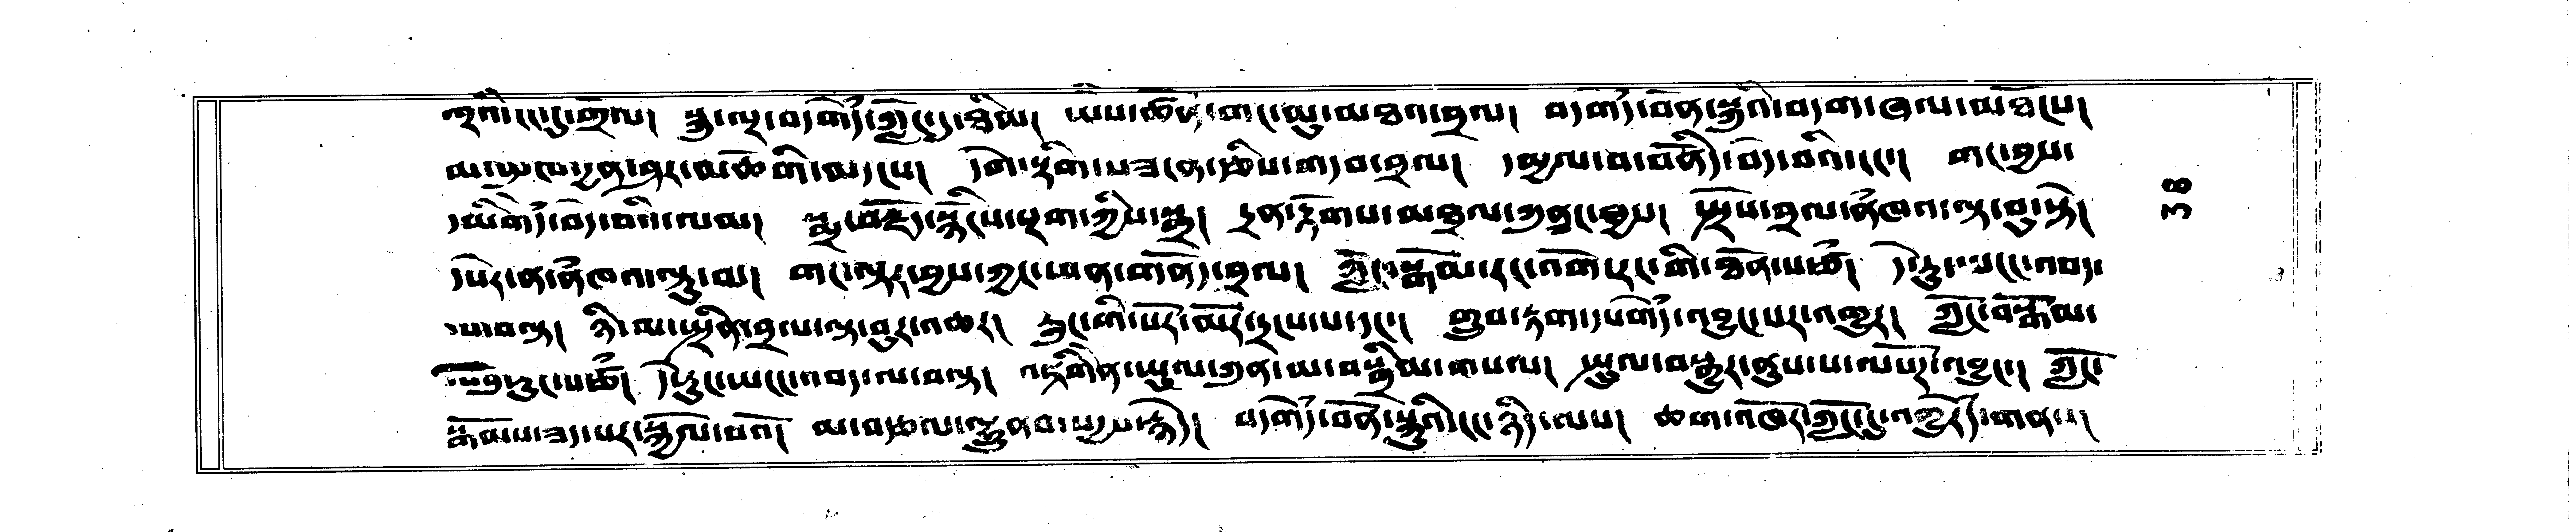ལྔའི་ངང་དུ་གྲོལ། སྐུ་ལྔ་བདག་མེད་ཀློང་དུ་ཐིམ། ཡེ་ཤེས་ཚོན་གང་མུ་མཐའ་བྲལ། བདག་མེད་བོན་སྐུའི་བདག་ཞལ་མཐོང་།
 མ་སྤངས་རྒྱན་ཤར་མཆོག་གི་མདངས། དགེ་སྡིག་བཟང་ངན་རྩིས་གདབ་བྲལ། དམྱལ་བ་བོན་ཉིད་བདེ་བའི་ངང་། གང་བྱས་
དམིགས་མེད་བདེ་བའི་ལམ། སྨྲ་བརྗོད་སྙིང་པོ་སྔགས་ཀྱི་སྒྲ། དྲན་རྟོག་མཐའ་བྲལ་ཀུན་བཟང་ཐུགས། སྤྲོས་བྲལ་ནམ་མཁའ་ལྟ་བུ་སྟེ།
 དཔེར་ན་ནམ་མཁའ་ལྟ་བུ་ལ། གང་ལྟར་བྱས་ཀྱང་ཕན་གནོད་བྲལ། ཀློང་སྒོམ་རང་འགོ་རང་གིས་ཐོན་པ་ཙམ། དེ་རུ་ཡང་ཡང་འབད་
ལ་བལྟ། ཉི་མ་སྤྲིན་བྲལ་ལྟ་བུར་འཆར། རླུང་གི་སོར་མོ་དྲངས་པ་དང་། གྲུབ་རྟགས་དཔག་མེད་འབྱུང་བར་འགྱུར། ཀློང་སྒོམ་
ལས་སུ་རུང་བ་ཙམ། ད་རུང་ཡང་ཡང་འབད་ལ་བལྟ། འཇིག་རྟེན་ཡུལ་ཀུན་མ་བསྒྲིབས་གསལ། སྤྲུལ་སྒྱུར་ནུས་པ་ལ་སོགས་འབྱུང་། ཀློང་
སྒོམ་ཟད་སར་སྐྱོལ་བའོ། །མ་བཙལ་ལྷུན་གྲུབ་སངས་རྒྱས་རྙེད། བདག་མེད་བོན་སྐུའི་ངང་ཉིད་ལས། ཆགས་འཁོར་ཀློང་དུ་འགྱུར་མེད་གནས།